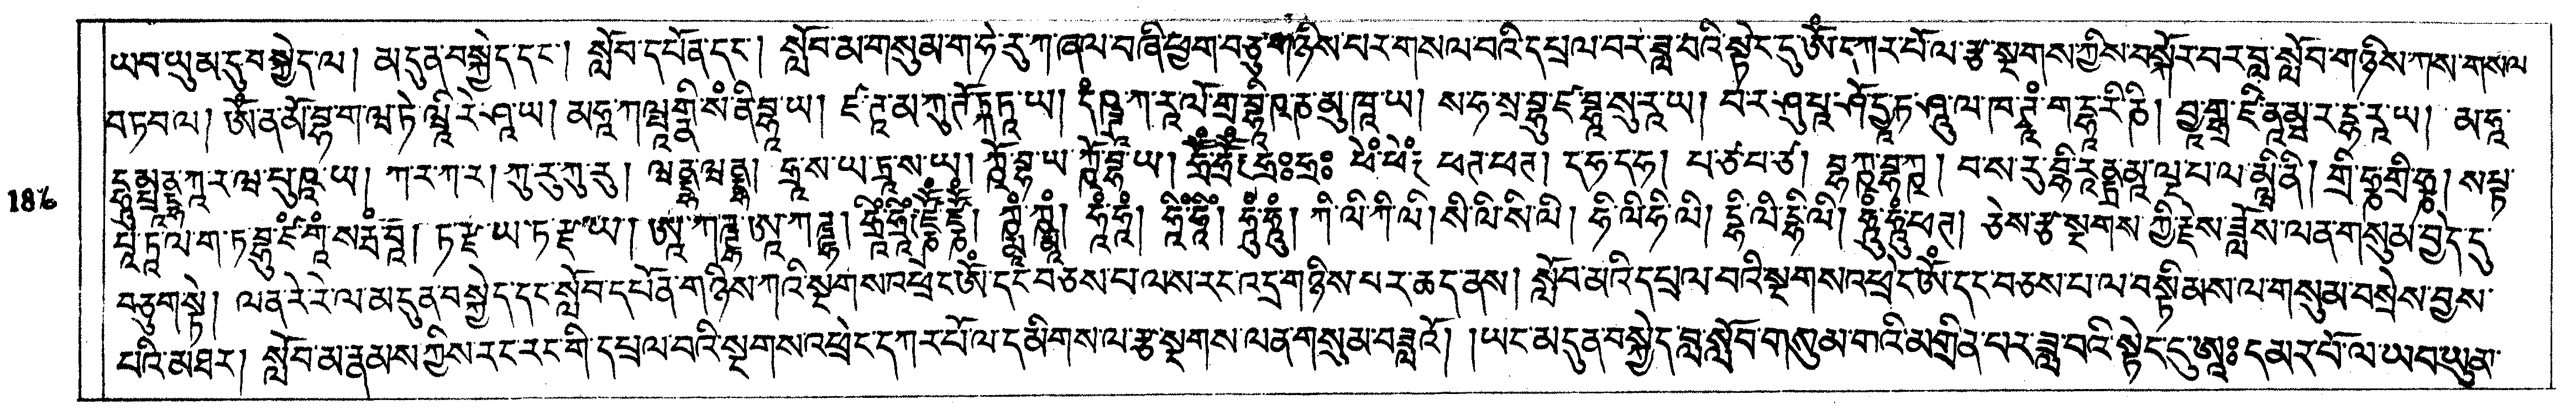ཡབ་ཡུམ་དུ་བསྐྱེད་ལ། མདུན་བསྐྱེད་དང་། སློབ་དཔོན་དང་། སློབ་མ་གསུམ་ག་ཧེ་རུ་ཀ་ཞལ་བཞི་ཕྱག་བཅུ་གཉིས་པར་གསལ་བའི་དཔྲལ་བར་ཟླ་བའི་སྟེང་དུ་ཨོཾ་དཀར་པོ་ལ་རྩ་སྔགས་ཀྱིས་བསྐོར་བར་བླ་སློབ་གཉིས་ཀས་གསལ་
བཏབ་ལ། ཨོཾ་ན་མོ་བྷ་ག་ཝ་ཏེ་ཝཱི་རེ་ཤཱ་ཡ། མཧཱ་ཀ་ལྤཱ་གནི་སཾ་ནི་བྷཱ་ཡ། ཛ་ཊཱ་མ་ཀུ་ཊོ་ཏྐ་ཏཱ་ཡ། དཾ་ཥྜ་ཀ་རཱ་ལོ་གྲ་བྷི་ཥ་ཎ་མུ་ཁཱ་ཡ། ས་ཧ་སྲ་བྷུ་ཛ་བྷཱ་སུ་རཱ་ཡ། བ་ར་ཤུ་པཱ་ཤོ་དྱཱ་ཏ་ཤཱུ་ལ་ཁ་ཊྭཱཾ་ག་དྷཱ་རི་ཎི། བྱཱ་གྷྲ་ཛི་ནཱ་མྦ་ར་དྷ་རཱ་ཡ། མཧཱ་
དྷཱུ་མྤྲཱ་ནྡྷ་ཀཱ་ར་ཝ་པུ་ཥཱ་ཡ། ཀ་ར་ཀ་ར། ཀུ་རུ་ཀུ་རུ། ཝནྡྷ་ཝནྡྷ། ཧྲཱ་ས་ཡ་ཏྲཱ་ས་ཡ། ཀྵོ་བྷ་ཡ་ཀྵོ་བྷ་ཡ། ཧྲཽཾ་ཧྲཽཾ༑ ཧྲཿ ཧྲཿ ཕེཾ་ཕེཾ༑ ཕཊ་ཕཊ། ད་ཧ་ད་ཧ། པ་ཙ་པ་ཙ། བྷ་ཀྵ་བྷ་ཀྵ། བ་ས་རུ་བྷི་རཱ་ནྟྲ་མཱ་ལྔ་པ་ལ་མྭི་ནི། གྲི་ཧྞ་གྲི་ཧྞ། སཔྟ་
པཱ་ཏཱ་ལ་ག་ཏ་བྷུ་ཛཾ་གཱཾ་སརྦཾ་བཱ། ཏ་རྫ་ཡ་ཏ་རྫ་ཡ། ཨཱ་ཀ་ཌྜྷ་ཨཱ་ཀ་ཌྜྷ། ཧྲཱིཾ་ཧྲཱིཾ༑ ཛྞཽཾ་ཛྞཽཾ། ཀྵྨཱཾ་ཀྵྨཱཾ། ཧཱཾ་ཧཱཾ། ཧཱིཾ་ཧཱིཾ། ཧཱུཾ་ཧཱུཾ། ཀི་ལི་ཀི་ལི། སི་ལི་སི་ལི། ཧི་ལི་ཧི་ལི། དྷི་ལི་དྷི་ལི། ཧཱུཾ་ཧཱུཾ་ཕཊ། ཅེས་རྩ་སྔགས་ཀྱི་རྗེས་ཟློས་ལན་གསུམ་བྱེད་དུ་
བཅུག་སྟེ། ལན་རེ་རེ་ལ་མདུན་བསྐྱེད་དང་སློབ་དཔོན་གཉིས་ཀའི་སྔགས་འཕྲེང་ཨོཾ་དང་བཅས་པ་ལས་རང་འདྲ་གཉིས་པར་ཆད་ནས། སློབ་མའི་དཔྲལ་བའི་སྔགས་འཕྲེང་ཨོཾ་དང་བཅས་པ་ལ་བསྟིམས་ལ་གསུམ་བསྲེས་བྱས་
པའི་མཐར། སློབ་མ་རྣམས་ཀྱིས་རང་རང་གི་དཔྲལ་བའི་སྔགས་འཕྲེང་དཀར་པོ་ལ་དམིགས་ལ་རྩ་སྔགས་ལན་གསུམ་བཟླའོ། །ཡང་མདུན་བསྐྱེད་བླ་སློབ་གསུམ་གའི་མགྲིན་པར་ཟླ་བའི་སྟེང་དུ་ཨཱཿ དམར་པོ་ལ་ཡབ་ཡུམ་